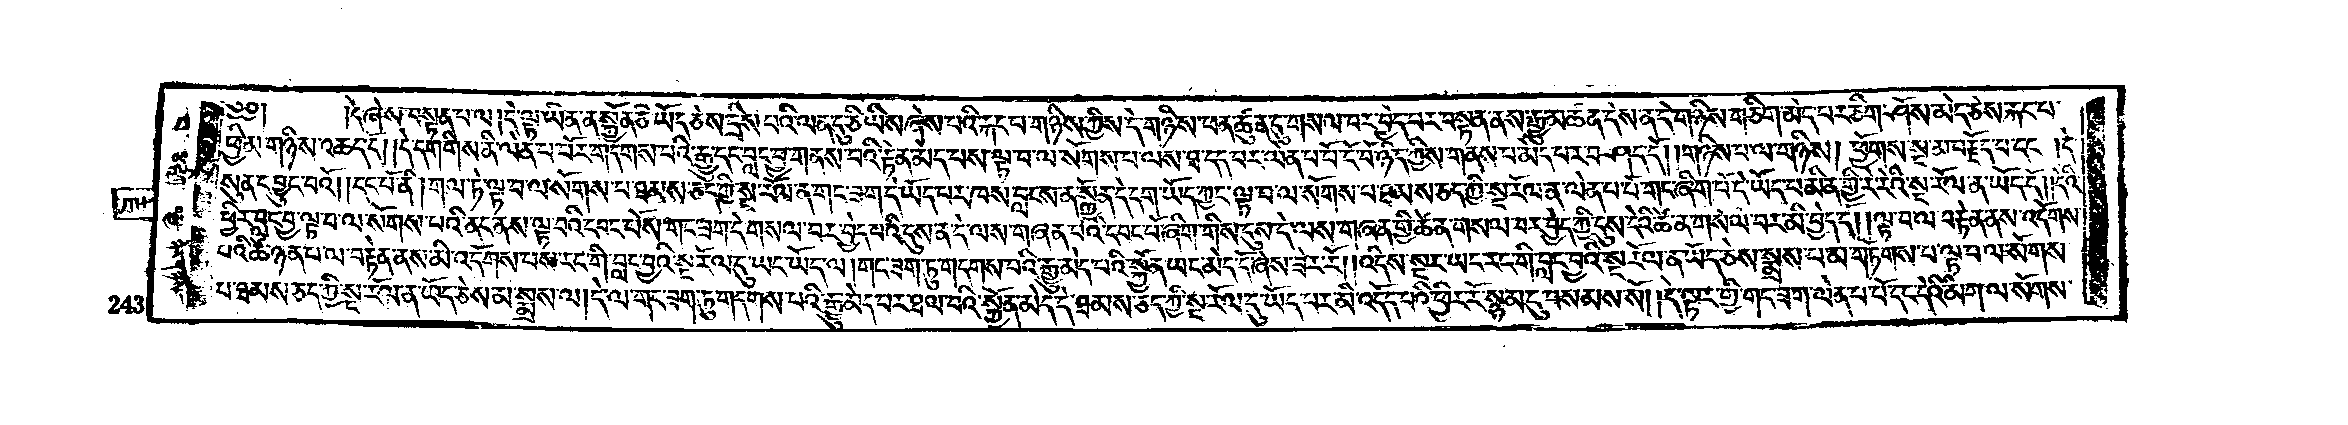༄༅། །དོ་ཞེས་བསྟན་པ་ལ། དེ་ལྟ་ཡིན་ན་སྐྱོན་ཅི་ཡོད་ཅེས་དྲིས་པའི་ལན་དུ་ཅི་ཡིས་ཞེས་པའི་རྐང་པ་གཉིས་ཀྱིས་དེ་གཉིས་ཕན་ཚུན་དུ་གསལ་བར་བྱེད་པར་བསྟན་ནས་རྒྱུ་མཚན་དེས་ན་དེ་གཉིས་གཅིག་མེད་པར་ཅིག་ཤོས་མེད་ཅེས་རྐང་པ་
ཕྱི་མ་གཉིས་འཆད་དོ། །དེ་དག་གིས་ནི་ལེན་པ་པོར་གདགས་པའི་རྒྱུ་དང་བླང་བྱ་གནས་པའི་རྟེན་མེད་པས་ལྟ་བ་ལ་སོགས་པ་ལས་ཐ་དད་པར་ལེན་པ་པོ་ངོ་བོ་ཉིད་ཀྱིས་གནས་པ་མེད་པར་བཤད་དོ། །གཉིས་པ་ལ་གཉིས། ཕྱོགས་སྔ་མ་བརྗོད་པ་དང་།དེ་
སུན་དབྱུང་བའོ། །དང་པོ་ནི། གལ་ཏེ་ལྟ་བ་ལ་སོགས་པ་ཐམས་ཅད་ཀྱི་སྔ་རོལ་ན་གང་ཟག་དེ་ཡོད་པར་ཁས་བླངས་ན་སྐྱོན་དེ་དག་ཡོད་ཀྱང་ལྟ་བ་ལ་སོགས་པ་ཐམས་ཅད་ཀྱི་སྔ་རོལ་ན་ལེན་པ་པོ་གང་ཞིག་པོ་དེ་ཡོད་པ་མིན་གྱི་རེ་རེའི་སྔ་རོལ་ན་ཡོད་དོ། །དེའི་
ཕྱིར་བླང་བྱ་ལྟ་བ་ལ་སོགས་པའི་ནང་ནས་ལྟ་བའི་དབང་པོས་གང་ཟག་དེ་གསལ་བར་བྱེད་པའི་དུས་ན་དེ་ལས་གཞན་པའི་དབང་པོ་ཞིག་གིས་དུས་དེ་ལས་གཞན་གྱི་ཚེ་ན་གསལ་བར་བྱེད་ཀྱི་དུས་དེའི་ཚེ་ན་གསལ་བར་མི་བྱེད་དོ། །ལྟ་བ་ལ་བརྟེན་ནས་འདོགས་
པའི་ཚེ་ཉན་པ་ལ་བརྟེན་ནས་མི་འདོགས་པས་རང་གི་བླང་བྱའི་སྔ་རོལ་དུ་ཡང་ཡོད་ལ། གང་ཟག་ཏུ་གདགས་པའི་རྒྱུ་མེད་པའི་སྐྱོན་ཡང་མེད་དོ་ཞེས་ཟེར་རོ། །འདིས་སྔར་ཡང་རང་གི་བླང་བྱའི་སྔ་རོལ་ན་ཡོད་ཅེས་སྨྲས་པ་མ་གཏོགས་པ་ལྟ་བ་ལ་སོགས་
པ་ཐམས་ཅད་ཀྱི་སྔ་རོལ་ན་ཡོད་ཅེས་མ་སྨྲས་ལ། དེ་ལ་གང་ཟག་ཏུ་གདགས་པའི་རྒྱུ་མེད་པར་ཐལ་བའི་སྐྱོན་མེད་དེ་ཐམས་ཅད་ཀྱི་སྔ་རོལ་དུ་ཡོད་པར་མི་འདོད་པའི་ཕྱིར་རོ་སྙམ་དུ་བསམས་སོ། །ད་ལྟར་གྱི་གང་ཟག་ལེན་པ་པོ་དང་དེའི་མེད་ལ་སོགས་